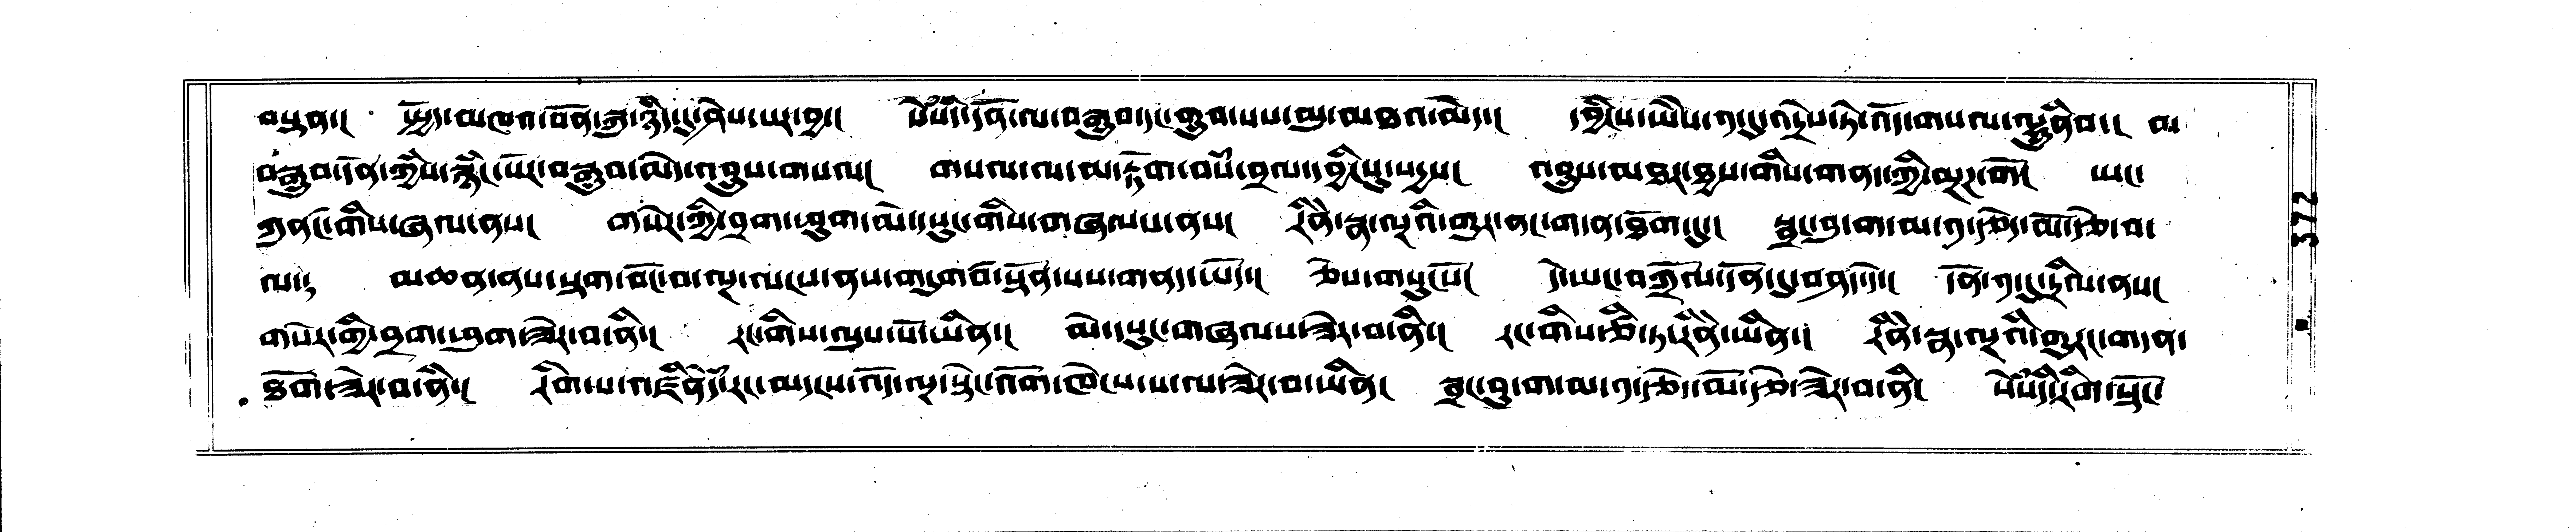ཤེས་བསྟན། སྤྱོད་མཁན་བོན་སྐུ་ཉིད་དུ་ཤེས་པར་བྱ། སེམས་ཉིད་དོན་ལ་བསྒྲུབ་དང་གྲུབ་པའི་མུ་མཐའ་མེད། དབྱིངས་ཤེས་ཅིག་དུ་འདྲེས་ཏེ་འོད་གསལ་ལྷུན་གྱིས་གྲུབ། མ་
བསྒྲུབ་དོན་གྱི་སྙིང་པོར་བསྒྲུབ་མེད་འབྲས་བུ་གསལ། གསལ་ལ་མི་རྟོག་བསམ་བྲལ་དབྱིངས་སུ་རྒྱས། འབྲས་བུ་མཐར་ཐུག་གནད་ཀྱིས་མེན་ངག་གོ ཡང་
ཀུན་བཟང་གིས་ཞལ་ནས། གསེར་གྱིས་བྲག་ཕུག་མེ་དཔུང་གིས་གཞལ་ཡས་ནས། རིན་ཆེན་ལྔའི་གུར་ནང་གདན་ཐོག་དུ། སྦྲང་བུ་ག་མ་ཅིག་རྩེད་མོ་རྩེ་བ་
ལ། མཆེན་༼མཆན༽ནས་སྟག་འབོང་”བོང”ལྔ་ལང་ནས་གདུག་རྩུབ་སྟོན་པའི་སྐྱོན་ཡོད་དོ། ཅེས་གསུངས། དེ་ཡང་བཀྲོལ་དོན་དུ་བཤད་སྟེ། དོན་ཅིག་ཏུ་དྲིལ་ན། 
གསེར་གྱིས་བྲག་ཕུག་ཟེར་བ་ནི། རང་གིས་ལུས་པོ་ཡིན། མེ་དཔུང་གིས་གཞལ་ཡས་ཟེར་བ་ནི། རང་གིས་ཙི་ཏ་ཡིན། རིན་ཆེན་སྣ་ལྔའི་གུར་ནང་གདན་
ཐོག་ཟེར་བ་ནི། རིག་པ་འཛིན་པའི་རང་གདང་འོད་ལྔའི་སྟེང་འོག་ཁེང་པ་ལ་ཟེར་བ་ཡིན། སྦྲང་བུ་ག་མ་ཅིག་རྩེད་མོ་རྩེ་ཟེར་བ་ནི། སེམས་ཉིད་རིག་སྟོང་